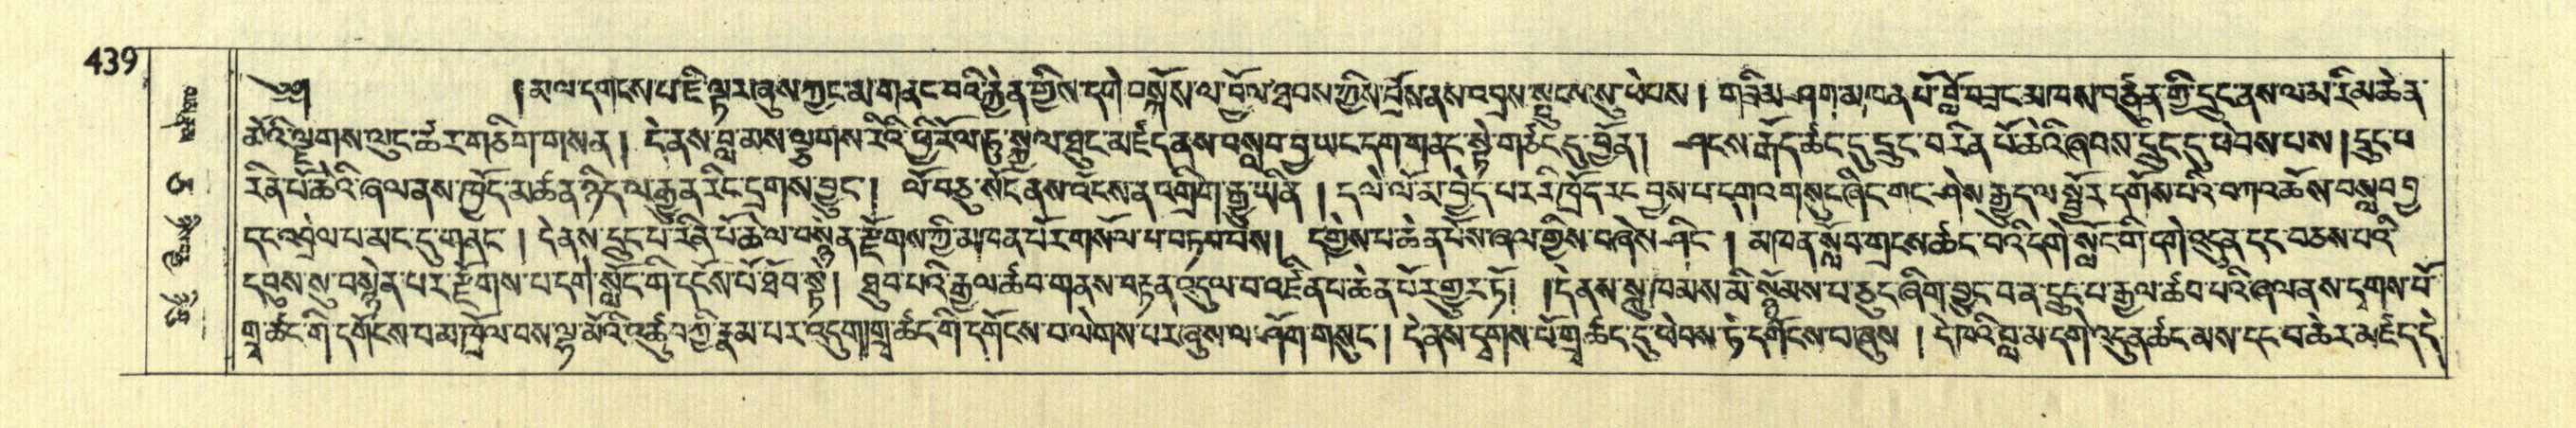༄༅། །མལ་དགངས་པ་ཇི་ལྟར་ཞུས་ཀྱང་མ་གནང་བའི་རྐྱེན་གྱིས་དགེ་བསྐོས་ལ་བྱོལ་ཐབས་ཀྱིས་བྲོས་ནས་འབྲས་སྤུངས་སུ་ཕེབས། གཟིམ་ཤག་མཁན་པོ་བློ་བཟང་མཁས་བཙུན་གྱི་དྲུང་ནས་ལམ་རིམ་ཆེན་
མོའི་ལྗགས་ལུང་ཚར་གཅིག་གསན། དེ་ནས་བླ་མས་ལྕགས་རིའི་ཕྱི་རོལ་ཏུ་སྐྱལ་ཐུང་མཛད་ནས་བསླབ་བྱ་ཡང་དག་གནང་སྟེ་གཙང་དུ་བྱོན། ཤངས་རྒོད་ཚང་དུ་དྲུང་བ་རིན་པོ་ཆེའི་ཞབས་དྲུང་དུ་ཕེབས་པས། དྲུང་པ་
རིན་པོ་ཆེའི་ཞལ་ནས་ཁྱོད་མཚན་ཉིད་ལ་རྒྱུན་རིང་དྲགས་བྱུང་། ལོ་བཅུ་སོང་ནས་འོངས་ན་འགྲིག་རྒྱུ་ཡིན། ད་ལེ་ལོ་མ་བྱེད་པར་རི་ཁྲོད་རང་བྱས་པ་དགའ་གསུང་ཞིང་གང་ཤེས་རྒྱུད་ལ་སྦྱོར་དགོས་པའི་བཀའ་ཆོས་བསླབ་བྱ་
དང་འབྲེལ་པ་མང་དུ་གནང་། དེ་ནས་དྲུང་པ་རིན་པོ་ཆེ་ལ་བསྙེན་རྫོགས་ཀྱི་མཁན་པོར་གསོལ་བ་བཏབ་བས། དགྱེས་པ་ཆེན་པོས་ཞལ་གྱིས་བཞེས་ཤིང་། མཁན་སློབ་གྲངས་ཚང་བའི་དགེ་སློང་གི་དགེ་འདུན་དང་བཅས་པའི་
དབུས་སུ་བསྙེན་པར་རྫོགས་པ་དགེ་སློང་གི་དངོས་པོ་ཐོབ་སྟེ། ཐུབ་པའི་རྒྱལ་ཚབ་གནས་བརྟན་འདུལ་བ་འཛིན་པ་ཆེན་པོར་གྱུར་ཏོ། །དེ་ནས་སྐུ་ཁམས་མི་སྙོམས་པ་ཅུང་ཞིག་བྱུང་བ་ན་དྲུང་པ་རྒྱལ་ཚབ་པའི་ཞལ་ནས་དྭགས་པོ་
གྲྭ་ཚང་གི་དགོངས་པ་མ་ཁྲོལ་བས་ལྷ་མོའི་འཚུབ་ཀྱི་རྣམ་པར་འདུག། གྲྭ་ཚང་གི་དགོངས་པ་ལེགས་པར་ཞུས་ལ་ཤོག་གསུང་། དེ་ནས་དྭགས་པོ་གྲྭ་ཚང་དུ་ཕེབས་ཏེ་དགོངས་བ་ཞུས། དེ་ཁའི་བླ་མ་དགེ་འདུན་ཚང་མས་དང་བ་ཆེར་མཛད་དེ་